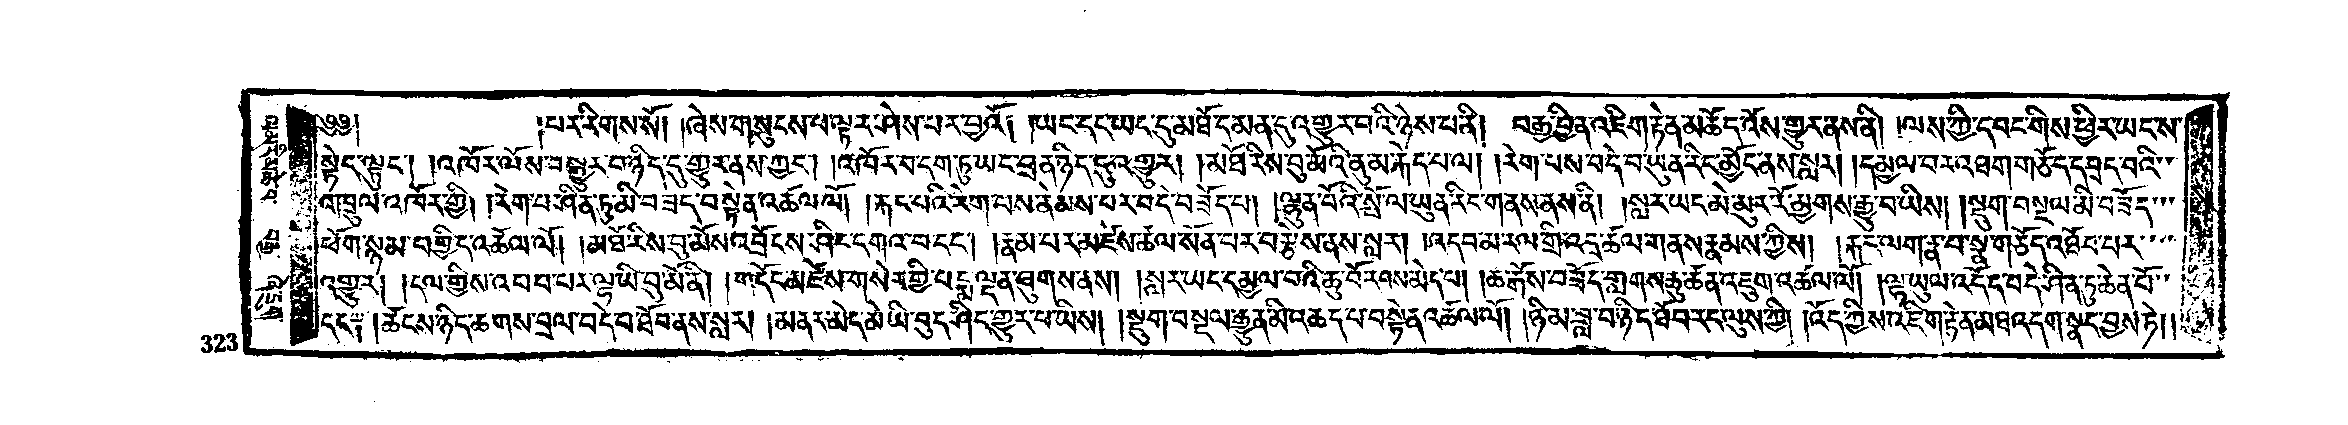༄༅། །པར་རིགས་སོ། །ཞེས་གསུངས་པ་ལྟར་ཤེས་པར་བྱའོ། །ཡང་དང་ཡང་དུ་མཐོ་དམན་དུ་འགྱུར་བའི་ཉེས་པ་ནི། བརྒྱ་བྱིན་འཇིག་རྟེན་མཆོད་འོས་གྱུར་ནས་ནི། །ལས་ཀྱི་དབང་གིས་ཕྱིར་ཡང་ས་
སྟེང་ལྟུང་། །འཁོར་ལོས་བསྒྱུར་བ་ཉིད་དུ་གྱུར་ནས་ཀྱང་། །འཁོར་བ་དག་ཏུ་ཡང་བྲན་ཉིད་དུ་འགྱུར། །མཐོ་རིས་བུ་མོའི་ནུ་མ་རྐེད་པ་ལ། །རེག་པས་བདེ་བ་ཡུན་རིང་མྱོང་ནས་སླར། །དམྱལ་བར་འཐག་གཅོད་དབྲད་པའི་
འཁྲུལ་འཁོར་གྱི། །རེག་བ་ཤིན་ཏུ་མི་བཟད་བསྟེན་འཚལ་ལོ། །རྐང་པའི་རེག་པས་ནེམས་པར་བདེ་བཟོད་པ། །ལྷུན་པོའི་སྤོ་ལ་ཡུན་རིང་གནས་ནས་ནི། །སླར་ཡང་མེ་མུར་རོ་མྱགས་རྒྱུ་བ་ཡིས། །སྡུག་བསྔལ་མི་བཟོད་
ཕོག་སྙམ་བགྱིད་འཚལ་ལོ། །མཐོ་རིས་བུ་མོས་འབྲོངས་ཤིང་དགའ་བ་དང་། །རྣམ་པར་མཛེས་ཚལ་སོན་པར་བརྩེས་ནས་སླར། །འདབ་མ་རལ་གྲི་འདྲ་ཚལ་གནས་རྣམས་ཀྱིས། །རྐང་ལག་རྣ་བ་སྣ་གཅོད་འཐོབ་པར་
འགྱུར། །དལ་གྱིས་འབབ་པར་ལྷ་ཡི་བུ་མོ་ནི། །གདོང་མཛེས་གསེར་གྱི་པདམ་ལྡན་ཞུགས་ནས། །སླར་ཡང་དམྱལ་བའི་ཆུ་བོ་རབས་མེད་པ། །ཚ་རྒོས་བཟོད་གླགས་ཆུ་ཚན་འཇུག་འཚལ་ལོ། །ལྷ་ཡུལ་འདོད་བདེ་ཤིན་ཏུ་ཆེན་པོ་
དང༑ ༑ཚངས་ཉིད་ཆགས་བྲལ་བདེ་བ་ཐོབ་ནས་སླར། །མནར་མེད་མེ་ཡི་བུད་ཤིང་གྱུར་པ་ཡིས། །སྡུག་བསྔལ་རྒྱུན་མི་འཆད་པ་བསྟེན་འཚལ་ལོ། །ཉི་མ་ཟླ་བ་ཉིད་ཐོབ་རང་ལུས་ཀྱི། །འོད་ཀྱིས་འཇིག་རྟེན་མཐའ་དག་སྣང་བྱས་ཏེ། །